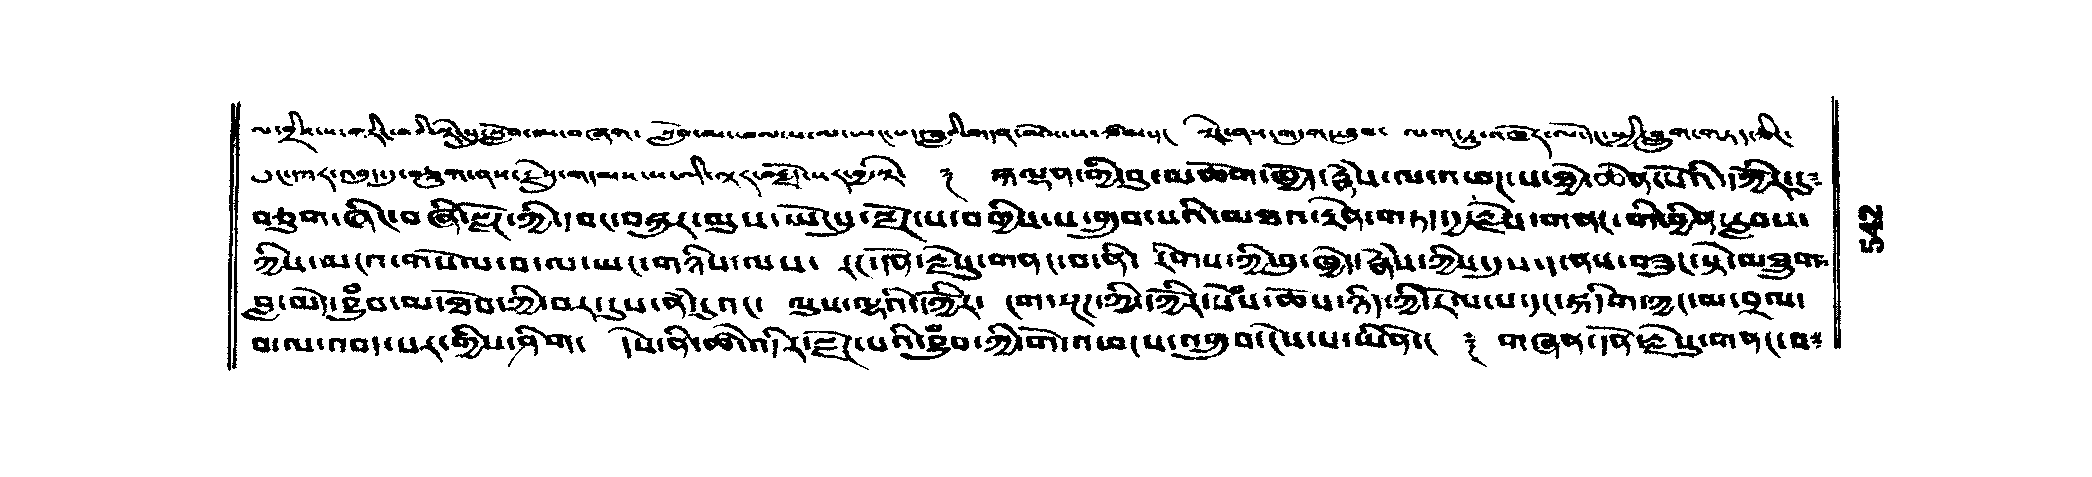ལ་བྲིས་པ་གཏིང་བའི་སྟེང་དུ་སློབ་མ་བཞག སློབ་མ་ཕལ་པ་ལ་ཡང་པད་ཟླའི་གདན་མོས་པ་ཙམ་དང་། སྟེང་ནས་གདུག་ཕུབ། ལག་ཏུ་འཁོར་ལོ་དང་སྤྱི་བླུག་གཏད་ཅིང་
དུང་དཀར་འབུད་དུ་བཅུག་ནས་རྗེས་སུ་གདམས་པ་འདི་ལྟར་བརྗོད་པར་བྱ་སྟེ། སྐལ་ལྡན་གྱི་བུ་མཆོག་ཁྱོད་རྣམས་ལ་འཕགས་པ་ཐུགས་རྗེ་ཆེན་པོའི་དཀྱིལ་འཁོར་དུ་
བཅུག་ཞིང་བཞི་རྫོགས་ཀྱི་དབང་བསྐུར་མ་ལུས་ཡོངས་སུ་རྫོགས་པ་བགྱིས་པ་གྲུབ་པའི་མཐའ་རྟེན་གཏད་རྒྱ་རྗེས་གནང་གི་བྱིན་རླབས་
ཀྱིས་མངའ་གསོལ་བ་ལ་ཡང་གཉིས་ལས།རང་དོན་རྗེས་སུ་གནང་བ་ནི། རིགས་ཀྱི་བུ་ཁྱོད་རྣམས་ཀྱིས་དུས་ད་ནས་བཟུང་སྟེ་མཐར་ཐུག་
བླ་མེད་བྱང་ཆུབ་མ་ཐོབ་ཀྱི་བར་དུས་ནམ་དུའང་། ལུས་ལྷའི་དཀྱིལ་འཁོར་ངག་སྔགས་ཀྱི་དཀྱིལ་འཁོར་སེམས་ཆོས་ཉིད་ཀྱི་རོལ་པ་དང་སྐད་ཅིག་ཀྱང་མ་བྲལ་
བ་ལ་འབད་པར་གྱིས་ཤིག དེས་ནི་ཚེ་འདིར་རྫོགས་པའི་བྱང་ཆུབ་ཀྱི་གོ་འཕང་འགྲུབ་ངེས་པ་ཡིན་ནོ། གཞན་དོན་རྗེས་སུ་གནང་བ་